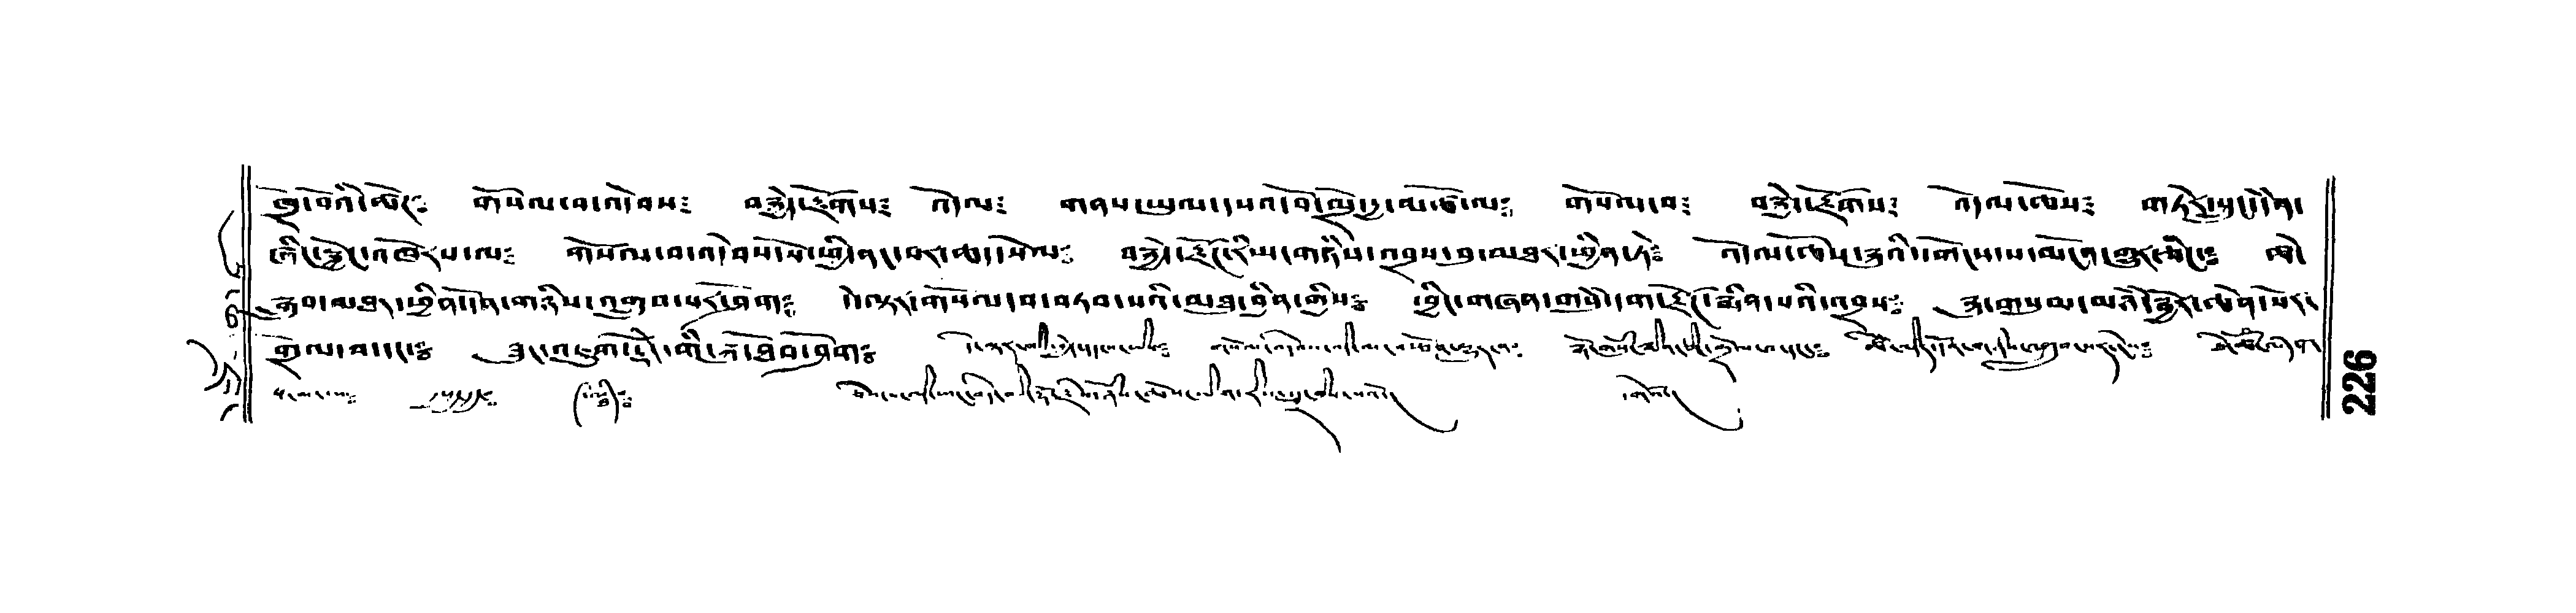ཁྲོ་བོའི་ཚོགས༔ གསོལ་བ་འདེབས༴ བསྐྱེད་རྫོགས༴ འོད་གསལ༴ གནས་ཡུལ་དཔའ་བོ་མཁའ་འགྲོ་རྒྱ་མཚོ་ལ༔ གསོལ་བ༴ བསྐྱེད་རྫོགས༴ འོད་གསལ༴ གཏེར་སྲུང་དམ་ཅན་
ཞིང་སྐྱོང་འཁོར་བཅས་ལ༔ གསོལ་བ་འདེབས་སོ་ཕྱི་ནང་བར་ཆད་སོལ༔ བསྐྱེད་རྫོགས་རིམ་གཉིས་འབྲས་བུ་མཐར་ཕྱིན་ཏེ༔ འོད་གསལ་ཆོས་སྐུའི་དགོངས་པ་མངོན་གྱུར་ཅིང༔ ཚེ་
སྒྲུབ་མཐར་ཕྱིན་དོན་གཉིས་འགྲུབ་པར་ཤོག༔ དེ་ལྟར་གསོལ་བ་བཏབ་པའི་མཐུ་བྱིན་གྱིས༔ ཕྱི་ནང་གཞན་གསུམ་དག་རྫོགས་སྨིན་པའི་འབྲས༔ སྐུ་གསུམ་མཉམ་སྦྱོར་ཆེན་པོར་
གྲོལ་བ་དང༔ ཟུང་འཇུག་རྡོ་རྗེ་འཆང་གི་སྐུ་འཐོབ་ཤོག༔ དེ་ལྟར་མི་ཕྱེད་དད་པ་ཡིས༔ གསོལ་འདེབས་འདི་ལ་བརྩོན་གྱུར་ན༔ སྒོ་གསུམ་སྨིན་ཅིང་གྲོལ་བ་དང༔ ཚེ་འདིར་དོན་གཉིས་འགྲུབ་པར་ངེས༔ ཐེ་ཚོམ་མེད་དོ་
ས་མ་ཡ༔རྒྱ་རྒྱ་རྒྱ༔ ༔ ཅེས་པ་འདི་ཡང་བདེ་བའི་རྡོ་རྗེས་ཉམས་ཆོས་ཡིག་རིས་སུ་བྲིས་པའོ།། དགེའོ།།